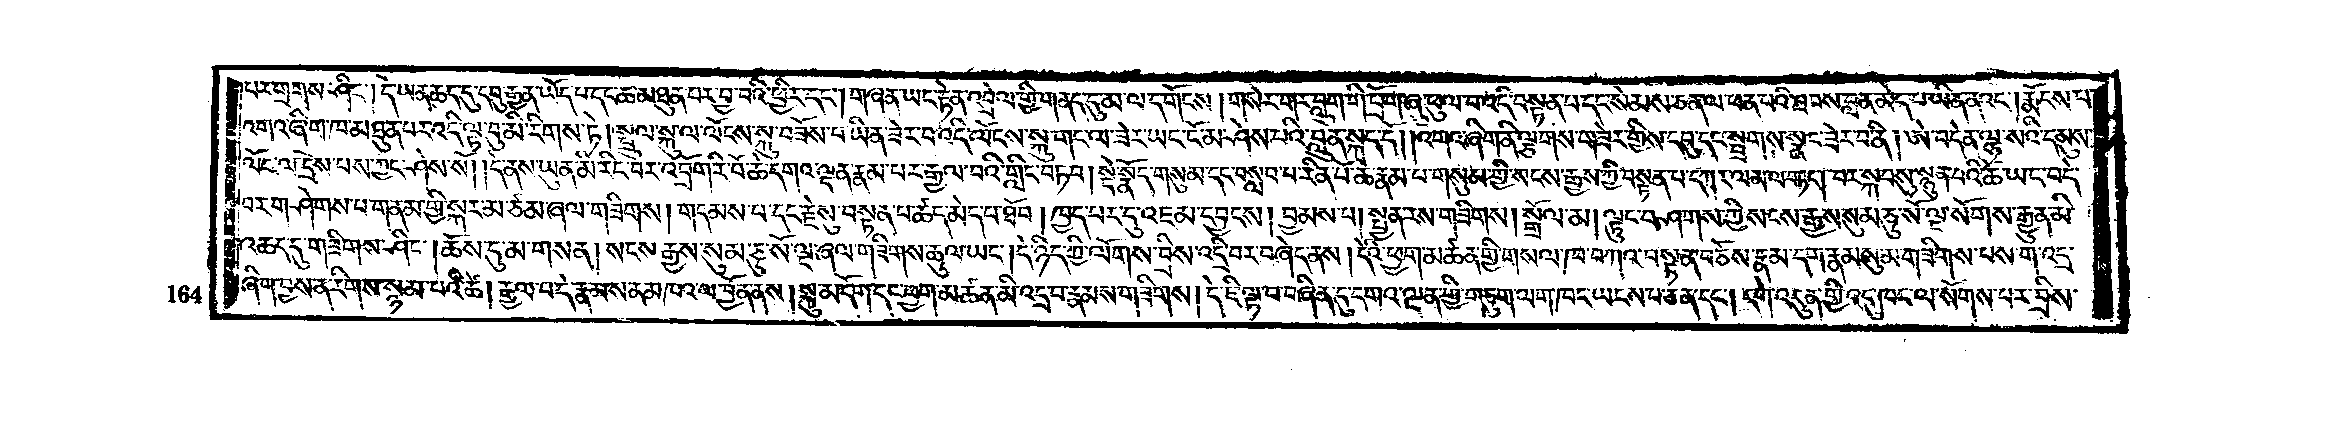པར་གྲགས་ཤིང་། དེ་ཡན་ཆད་དུ་དབུ་རྒྱན་ཡོད་པ་དང་ཆ་མཐུན་པར་བྱ་བའི་ཕྱིར་དང་། གཞན་ཡང་རྟེན་འབྲེལ་གྱི་གནད་དུ་མ་ལ་དགོངས། གསེར་གར་བླུག་གི་བྲོག་ཞུ་ཕུལ་བ་འདི་བསྟན་པ་དང་སེམས་ཅན་ལ་ཕན་པའི་ཐབས་བླ་ན་མེད་པ་ཡིན་ནའང་། རྨོངས་པ་
འགའ་ཞིག་ཁ་མཐུན་པར་འདི་ལྟ་བུ་མི་རིགས་ཏེ། སྤྲུལ་སྐུ་ལ་ལོངས་སྐུ་བཟོས་པ་ཡིན་ཟེར་བ་འདི་ལོངས་སྐུ་གང་ལ་ཟེར་ཡང་ངོ་མ་ཤེས་པའི་བླུན་སྐད་དོ། །འགའ་ཞིག་ནི་ལྕགས་གཟེར་གྱིས་དབུ་དང་སྦྲགས་སྣང་ཟེར་བ་ནི། ཨེ་བདེན་ལྷ་སའི་དམུས་
ལོང་ལ་དྲེས་པས་ཀྱང་ཤེས་སོ། །དེ་ནས་ཡུན་མི་རིང་བར་འབྲོག་རི་བོ་ཆེ་དགའ་ལྡན་རྣམ་པར་རྒྱལ་བའི་གླིང་བཏབ། སྡེ་སྣོད་གསུམ་དང་བསླབ་པ་རིན་པོ་ཆེ་རྣམ་པ་གསུམ་གྱི་སངས་རྒྱས་ཀྱི་བསྟན་པ་དཀར་ལམ་ལ་བཏང་། བར་སྐབས་སུ་སྙུན་པའི་ཚེ་ཡང་བདེ་
བར་གཤེགས་པ་གནམ་གྱི་སྐར་མ་ཙམ་ཞལ་གཟིགས། གདམས་པ་དང་རྗེས་སུ་བསྟན་པ་ཚད་མེད་པ་ཐོབ། ཁྱད་པར་དུ་འཇམ་དབྱངས། བྱམས་པ། སྤྱན་རས་གཟིགས། སྒྲོལ་མ། ལྟུང་བཤགས་ཀྱི་སངས་རྒྱས་སུམ་ཅུ་སོ་ལྔ་སོགས་རྒྱུན་མི་
འཆད་དུ་གཟིགས་ཤིང་། ཆོས་དུ་མ་གསན། སངས་རྒྱས་སུམ་ཅུ་སོ་ལྔ་ཞལ་གཟིགས་ཆུལ་ཡང་། དེ་ཉིད་ཀྱི་ལོགས་བྲིས་འདྲི་བར་བཞེད་ནས། དེའི་ཕྱག་མཚན་གྱི་གསལ་ཁ་བཀའ་བསྟན་བཅོས་རྣམ་དག་རྣམས་སུ་མ་གཟིགས་པས་ག་འདྲ་
ཞིག་བྱས་ན་རིགས་སྙམ་པའི་ཚེ། རྒྱལ་བ་དེ་རྣམས་ནམ་མཁའ་ལ་བྱོན་ནས། སྐུ་མདོག་དང་ཕྱག་མཚན་མི་འདྲ་བ་རྣམས་གཟིགས། དེ་ཇི་ལྟ་བ་བཞིན་དུ་དགའ་ལྡན་གྱི་གཙུག་ལག་ཁང་ཡངས་པ་ཅན་དང་། དགེ་འདུན་གྱི་འདུ་ཁང་ལ་སོགས་པར་བྲིས་